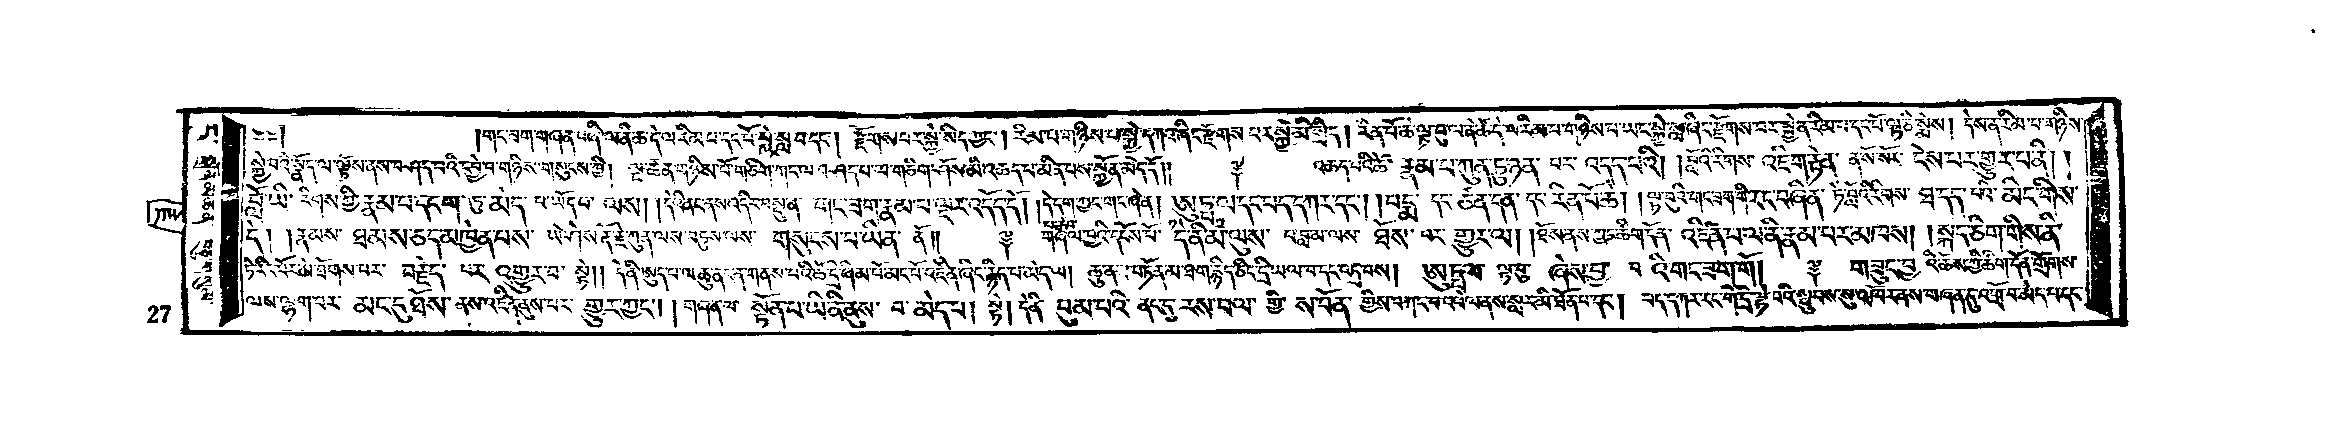༄༅། །གང་ཟག་གཞན་བཞི་ལ་ནི་ཚེ་དེ་ལ་རིམ་པ་དང་པོ་སྐྱེ་སླ་བ་དང་། རྫོགས་པར་སྐྱེ་སྲིད་ཀྱང་། རིམ་པ་གཉིས་པ་སྐྱེ་དཀའ་ཞིང་རྫོགས་པར་སྐྱེ་མི་སྲིད། རིན་པོ་ཆེ་ལྟ་བུ་ལ་ནི་ཚེ་དེ་ལ་རིམ་པ་གཉིས་པ་ཡང་སྐྱེ་སླ་ཞིང་རྫོགས་པར་སྐྱེ་ན་རིམ་པ་དང་པོ་ལྟ་ཅི་སྨོས། དེས་ན་རིམ་པ་གཉིས་
སྐྱེ་བའི་སྣོད་ལ་ལྟོས་ནས་བཤད་པའི་དབྱེ་བ་གཉིས་གསུངས་ཀྱི། ལྔ་ཚན་གཉིས་པོ་གཅིག་གང་ལ་བཤད་པ་ལ་གཅིག་ཤོས་མི་འཆད་པ་མིན་པས་སྐྱོན་མེད་དོ།། ༈ འཆད་པའི་ཚེ་རྣམ་པ་ཀུན་ཏུ་ཉན་པར་འདོད་པའི། །བློའི་རིགས་འཇིག་རྟེན་ན་སོ་སོར་ངེས་པར་གྱུར་པ་ནི། །
བློ་ཡི་རིགས་ཀྱི་རྣམ་པ་དང་ག་ཏུ་མེད་པ་ཡོད་པ་ལས། །དེའི་ནང་ནས་འདིར་བསྡུ་ན་གང་ཟག་རྣམ་པ་ལྔར་འདོད་དོ། །དེ་དག་ཀྱང་གང་ཞེ་ན། ཨུཏྤ་ལ་དང་པད་དཀར་དང་། །པདམ་དང་ཙན་དན་དང་རིན་པོ་ཆེ། ། ལྟ་བུའི་གང་ཟག་གི་རང་བཞིན་ཏེ་བློའི་རིགས་ཐ་དད་པའི་མིང་གིས་
དེ། ། རྣམས་ཐམས་ཅད་མཁྱེན་པས་ཡེ་ཤེས་རྡོ་རྗེ་ཀུན་ལས་བཏུས་ལས་གསུངས་པ་ཡིན་ནོ།། ༈ པ་ཚབ་གཞལ་བྱའི་དངོས་པོ་༡་དེ་ནི་མ ༢་ལུས་པ་བླ་མ་ལས་ཐོས་པར་གྱུར་ལ། ། ཐོས་ནས་ཀྱང་ཚིག་དོན་འཛིན་པ་ལ་ནི་རྣམ་པར་མཁས། །སྐད་ཅིག་གིས་ནི་
ཏེ་རིང་པོར་མེ་ཐོགས་པར་བརྗེད་པར་འགྱུར་བ་སྟེ། །དེ་ནེ་ཨུད་པ་ལ་ཆུ་ནང་ན་གནས་པའི་ཚེ་དྲི་ཞིམ་པོ་མང་པོ་འཛིན་ཞིང་རྙིད་པ་མེད་ལ། ཆུ་ནས་བཏོན་མ་ཐག་རྙིད་ཅིང་དྲི་ཡལ་བ་དང་འདྲ་བས།  ཨུཏྤལ་ལྟ་བུ་ཞེས་བྱ་བའི་གང་ཟག་གོ ། ༈ གཟུང་བྱའི་ཆོས་ཀྱི་ཚིག་དེན་གྲོགས་
ལས་ལྷག་པར་མང་དུ་ཐོས་ནས་འཛིན་ནུས་པར་གྱུར་ཀྱང་། ། གཞན་ལ་སྟོན་པ་ཡི་ནི་ནུས་པ་མེད་པ། སྟེ། དེ་ནི་བུམ་པའི་ནང་དུ་རས་བལ་གྱི་ས་བོན་གྱིས་བཀང་བ་འཕེལ་ནས་སླར་མི་ཐོན་པ་དང་། པད་དཀར་རང་གི་དྲི་ལྟེ་བའི་སྦུབས་སུ་འཁོར་ནས་གཞན་དུ་འགྲོ་བ་མེད་པ་དང